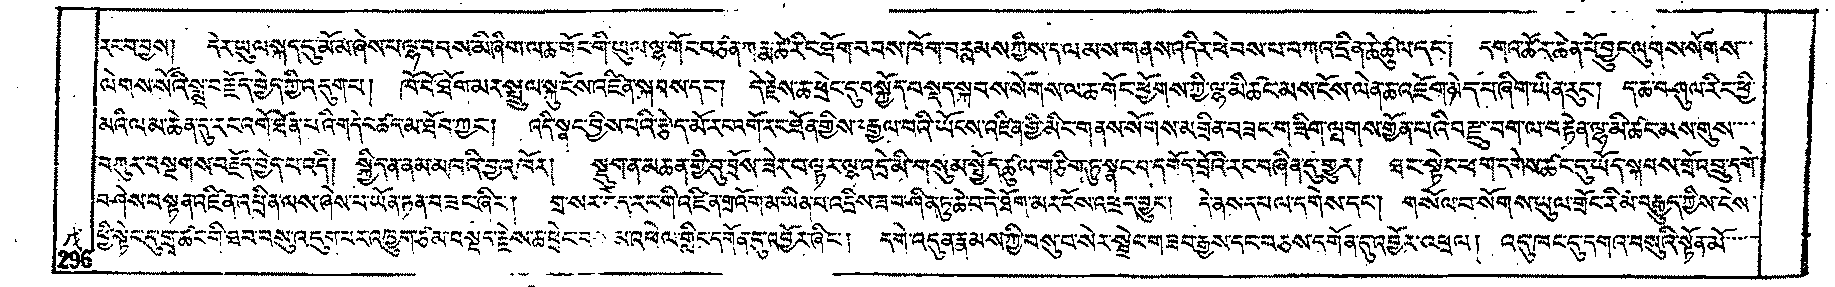རང་བ་བྱས། དེར་ཡུལ་སྐད་དུ་མོ་མ་ཞེས་པ་ལྷ་བབས་མི་ཞིག་ལ་ཆ་གོང་གི་ཡུལ་ལྷ་གོང་བཙན་ཀརྨ་ཚེ་རིང་ཐོག་བབས་ཁོག་བརླམས་ཀྱིས་ད་ལམ་ས་གནས་འདིར་ཕེབས་པ་བཀའ་དྲིན་ཆེ་ཚུལ་དང་། དགའ་ཚོར་ཆེན་པོ་བྱུང་ལུགས་སོགས་
ལེགས་སོའི་སྨྲ་བརྗོད་བྱེད་ཀྱི་འདུག་པ། ཁོ་བོ་ཐོག་མར་སྤྲུལ་སྐུ་ངོས་འཛིན་སྐབས་དང་། དེ་རྗེས་ཆ་ཕྲེང་དུ་བསྐྱོད་བསྡད་སྐབས་སོགས་ལ་ཆ་གོང་ཕྱོགས་ཀྱི་ལྷ་མི་ཚང་མས་ངོས་ལེན་ཆ་འཇོག་མེད་པ་ཞིག་ཡིན་རུང་། ད་ཆ་བཤུལ་རིང་ཕྱི་
མའི་ལམ་ཆེན་དུ་རང་འགོ་ཐོན་པའི་གདེང་ཚད་མ་ཐོབ་ཀྱང་། འདི་སྣང་བྱིས་པའི་རྩེད་མོ་རང་འགོ་རང་ཐོན་གྱིས་༧རྒྱལ་བའི་ཡོངས་འཛིན་གྱི་མིང་གནས་སོགས་མགྲིན་བཟང་གཟིག་ལྤགས་གྱོན་པའི་བརྫུ་བག་ལ་བརྟེན་ལྷ་མི་ཚང་མས་གུས་
བཀུར་བསྔགས་བརྗོད་བྱེད་པ་འདི། སྐྱིད་ན་ནམ་མཁའི་བྱ་འཁོར། སྡུག་ན་མཆན་གྱི་བུ་བྲོས་ཟེར་བ་ལྟར་ལྷ་འདྲེ་མི་གསུམ་སྤྱོད་ཚུལ་གཅིག་ཏུ་སྣང་བ་དགོད་བྲོའི་རང་བཞིན་དུ་གྱུར། ཐང་སྟེང་ཕག་དགེས་ཚང་དུ་ཡོད་སྐབས་གྲོ་འབྲུ་དགེ་
བཤེས་བསྟན་འཛིན་འཕྲིན་ལས་ཞེས་པ་ཡོན་ཏན་བཟང་ཞིང་། གྲ་སར་ངེད་རང་གི་འཛིན་གྲ་འོག་མ་ཡིན་པ་འདྲིས་ཟབ་ཤིན་ཏུ་ཆེ་བ་དེ་ཐོག་མར་ངོས་འཕྲད་བྱུང་། དེ་ནས་དཔལ་དགེས་དང་། གསོལ་བ་སོགས་ཡུལ་གྲོང་རིམ་བརྒྱུད་ཀྱིས་ངེས་
ཕྱི་སྟེང་དུ་གྲྭ་ཚང་གི་ཐབ་བསུ་འདུག་པར་འཁྱུག་ཙམ་བསྡད་རྗེས་ཆ་ཕྲེང་བསམ་འཕེལ་གླིང་དགོན་དུ་འབྱོར་ཞིང་། དགེ་འདུན་རྣམས་ཀྱི་བསུ་བ་སེར་སྦྲེང་གཟབ་རྒྱས་དང་བཅས་དགོན་དུ་འབྱོར་འཕྲལ། འདུ་ཁང་དུ་དགའ་བསུའི་སྟོན་མོ་